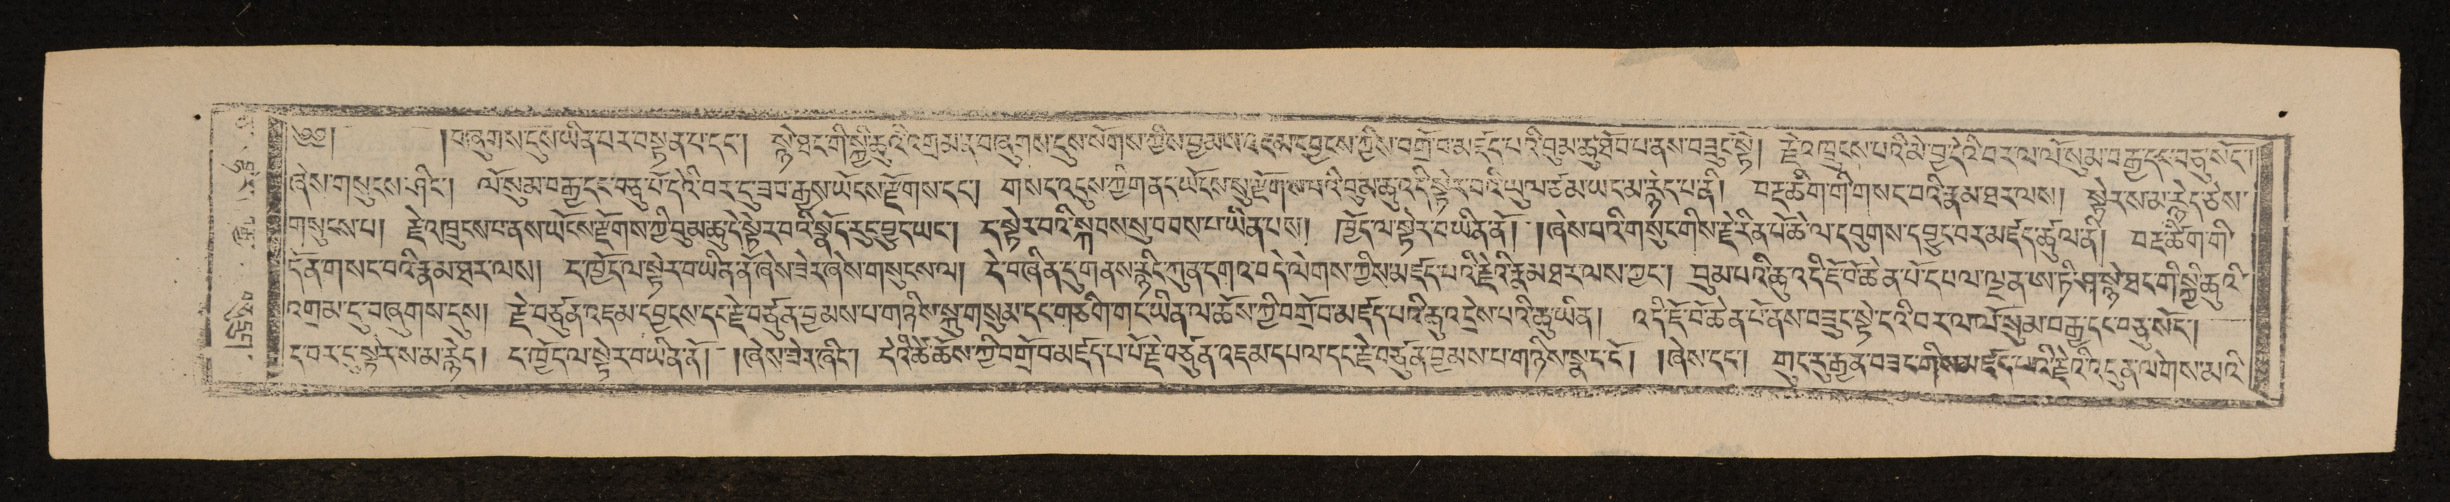༄༅། །བཞུགས་དུས་ཡིན་པར་བསྟན་པ་དང་། སྙེ་ཐང་གི་སྐྱེ་ཆུའི་འགྲམ་ན་བཞུགས་དུས་སོགས་ཀྱིས་བྱམས་འཇམ་དབྱངས་ཀྱིས་འགྲོ་བ་མཛད་པའི་བུམ་ཆུ་ཐོབ་པ་ནས་བཟུང་སྟེ། རྗེ་འཁྲུངས་པའི་མེ་བྱ་དེའི་བར་ལ་ལོ་སུམ་བརྒྱ་དང་བཅུ་སོང་།
ཞེས་གསུངས་ཤིང་། ལོ་སུམ་བརྒྱ་དང་བཅུ་བོ་དེའི་བར་དུ་ཟབ་རྒྱས་ཡོངས་རྫོགས་དང་། གསང་འདུས་ཀྱི་གནད་ཡོངས་སུ་རྫོགས་པའི་བུམ་ཆུ་འདི་སྟེར་བའི་ཡུལ་ཙམ་ཡང་མ་རྙེད་པ་ནི། བརྡ་ཚིག་གི་གསང་བའི་རྣམ་ཐར་ལས། སྟེར་སམ་རྙེད་ཅེས་
གསུངས་པ། རྗེ་འཁྲུངས་པ་ནས་ཡོངས་རྫོགས་ཀྱི་བུམ་ཆུ་དེ་སྟེར་བའི་སྣོད་རུང་བྱུང་ཡང་། ད་སྟེར་བའི་སྐབས་སུ་བབས་པ་ཡིན་པས། ཁྱོད་ལ་སྟེར་བ་ཡིན་ནོ། །ཞེས་པའི་གསུང་གིས་རྗེ་རིན་པོ་ཆེ་ལ་དབུགས་དབྱུང་བར་མཛད་ཚུལ་ནི། བརྡ་ཚིག་གི་
དོན་གསང་བའི་རྣམ་ཐར་ལས། ང་ཁྱོད་ལ་སྟེར་བ་ཡིན་ནོ་ཞེས་ཟེར་ཞེས་གསུངས་ལ། དེ་བཞིན་དུ་གནས་རྙིང་ཀུན་དགའ་བདེ་ལེགས་ཀྱིས་མཛད་པའི་རྗེའི་རྣམ་ཐར་ལས་ཀྱང་། བུམ་པའི་ཆུ་འདི་ཇོ་བོ་ཆེན་པོ་དཔལ་ལྡན་ཨ་ཏི་ཤ་སྙེ་ཐང་གི་སྐྱེ་ཆུའི་
འགྲམ་དུ་བཞུགས་དུས། རྗེ་བཙུན་འཇམ་དབྱངས་དང་རྗེ་བཙུན་བྱམས་པ་གཉིས་སྐུ་གསུམ་དང་གཅིག་གང་ཡིན་ལ་ཆོས་ཀྱི་བགྲོ་བ་མཛད་པའི་ཆུ་འདྲེས་པའི་ཆུ་ཡིན། འདི་ཇོ་བོ་ཆེན་པོ་ནས་བཟུང་སྟེ་དའི་བར་ལ་ལོ་སུམ་བརྒྱ་དང་བཅུ་སོང་།
ད་བར་དུ་སྟེར་སམ་རྙེད། ང་ཁྱོད་ལ་སྟེར་བ་ཡིན་ནོ། །ཞེས་ཟེར་ཞིང་། དེའི་ཚེ་ཆོས་ཀྱི་བགྲོ་བ་མཛད་པ་པོ་རྗེ་བཙུན་འཇམ་དཔལ་དང་རྗེ་བཙུན་བྱམས་པ་གཉིས་སྣང་ངོ། །ཞེས་དང་། གུང་རུ་རྒྱན་བཟང་གིས་མཛད་པའི་རྗེའི་འདུན་ལེགས་མའི་